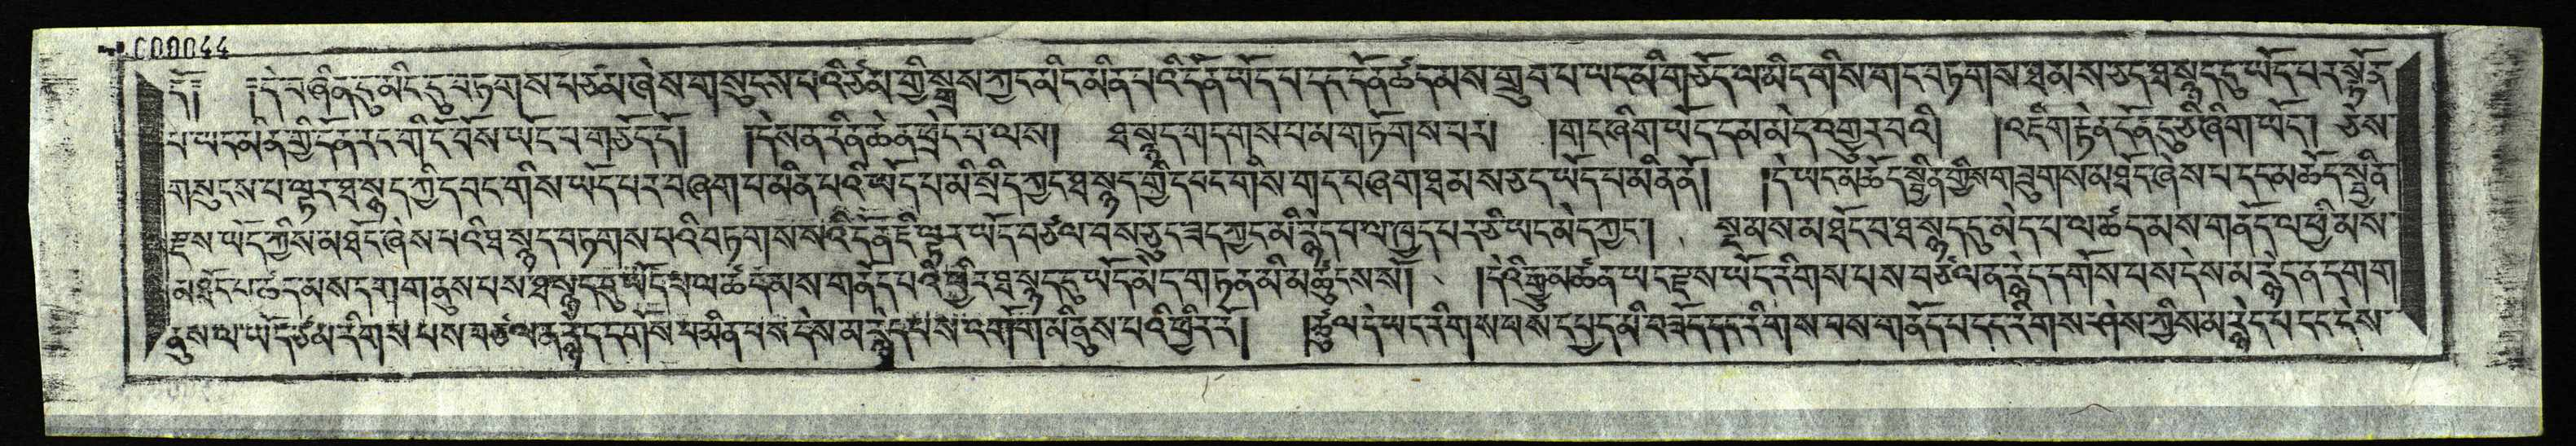དོ༑ ༑དེ་བཞིན་དུ་མིང་དུ་བཏགས་པ་ཙམ་ཞེས་གསུངས་པའི་ཙམ་གྱི་སྒྲས་ཀྱང་མིང་མིན་པའི་དོན་ཡོད་པ་དང་དོན་ཚད་མས་གྲུབ་པ་ཡང་མི་གཅོད་ལ་མིང་གིས་གང་བཏགས་ཐམས་ཅད་ཐ་སྙད་དུ་ཡོད་པར་སྟོན་
པ་ཡང་མིན་གྱི་དོན་རང་གི་ངོ་བོས་ཡོད་པ་གཅོད་དོ། །དེས་ན་རིན་ཆེན་ཕྲེང་བ་ལས། ཐ་སྙད་གདགས་པ་མ་གཏོགས་པར། །གང་ཞིག་ཡོད་དམ་མེད་འགྱུར་བའི། །འཇིག་རྟེན་དོན་དུ་ཅི་ཞིག་ཡོད། ཅེས་
གསུངས་པ་ལྟར་ཐ་སྙད་ཀྱི་དབང་གིས་ཡོད་པར་བཞག་པ་མིན་པའི་ཡོད་པ་མི་སྲིད་ཀྱང་ཐ་སྙད་གྱི་དབང་གིས་གང་བཞག་ཐམས་ཅད་ཡོད་པ་མིན་ནོ། །དེ་ཡང་མཆོད་སྦྱིན་གྱིས་གཟུགས་མཐོང་ཞེས་པ་དང་མཆོད་སྦྱིན་
རྫས་ཡོད་ཀྱིས་མཐོང་ཞེས་པའི་ཐ་སྙད་བཏགས་པའི་བཏགས་སའི་དོན་ཇི་ལྟར་ཡོད་བཙལ་བས་ཅུང་ཟད་ཀྱང་མི་རྙེད་པ་ལ་ཁྱད་པར་ཅི་ཡང་མེད་ཀྱང་། སྔ་མས་མཐོང་བ་ཐ་སྙད་དུ་མེད་པ་ལ་ཚད་མས་གནོད་ལ་ཕྱི་མས་
མཐོང་པ་ཚད་མས་དགག་ནུས་པས་ཐ་སྙད་བུ་ཡོད་པ་ལ་ཚད་མས་གནོད་པའི་ཕྱིར་ཐ་སྙད་དུ་ཡོད་མེད་གཏན་མི་མཚུངས་སོ། །དེའི་རྒྱུ་མཚན་ཡང་རྫས་ཡོད་རིགས་པས་བཙལ་ན་རྙེད་དགོས་པས་དེས་མ་རྙེད་ན་དགག་
ནུས་ལ་ཡོད་ཙམ་རིགས་པས་བཙལ་ན་རྙེད་དགོས་པ་མིན་པས་དེས་མ་རྙེད་པས་འགོག་མི་ནུས་པའི་ཕྱིར་རོ། །ཚུལ་དེ་ཡང་རིགས་པས་དཔྱད་མི་བཟོད་དང་རིགས་པས་གནོད་པ་དང་རིགས་ཤེས་ཀྱིས་མ་རྙེད་པ་དང་དེས་